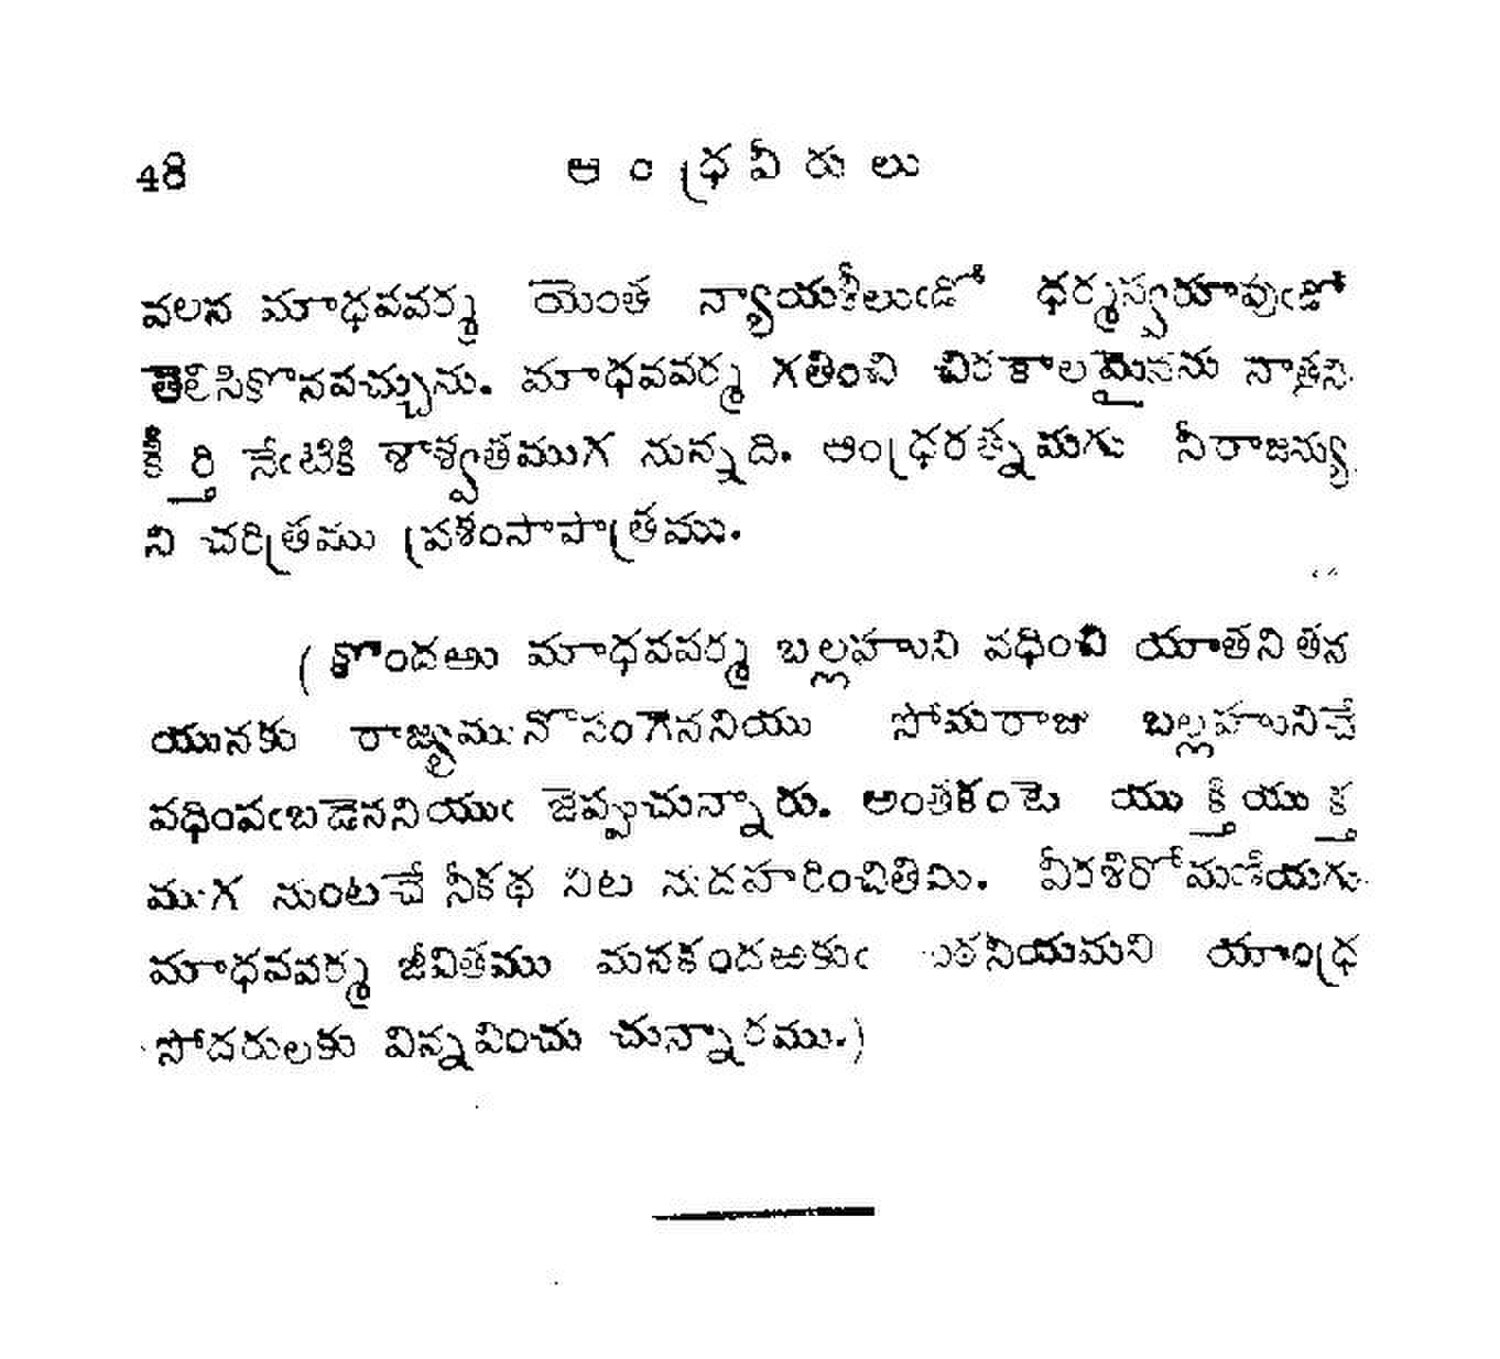వలన మాధవవర్మ యెంత న్యాయశీలుడో ధర్మస్వరూపుడో తెలిసికొనవచ్చును. మాధవవర్మ గతించి చిరకాలమైనను నాతని కీర్తినేటికి శాశ్వతముగ నున్నది. ఆంధ్రరత్నమగు నీరాజన్యుని చరిత్రము ప్రశంసాపాత్రము.

(కొందఱు మాధవవర్మ బల్లహుని వధించి యాతని తనయునకు రాజ్యమునొసంగెననియు సోమరాజు బల్లహునిచే వధింపబడెననియు జెప్పుచున్నారు. అంతకంటె యుక్తియుక్తముగ నుంటచే నీకథ నిట నుదహరించితిమి. వీరశిరోమణియగు మాధవవర్మ జీవితము మనకందఱకు బఠనీయమని యాంధ్ర సోదరులకు విన్నవించు చున్నారము.)

________